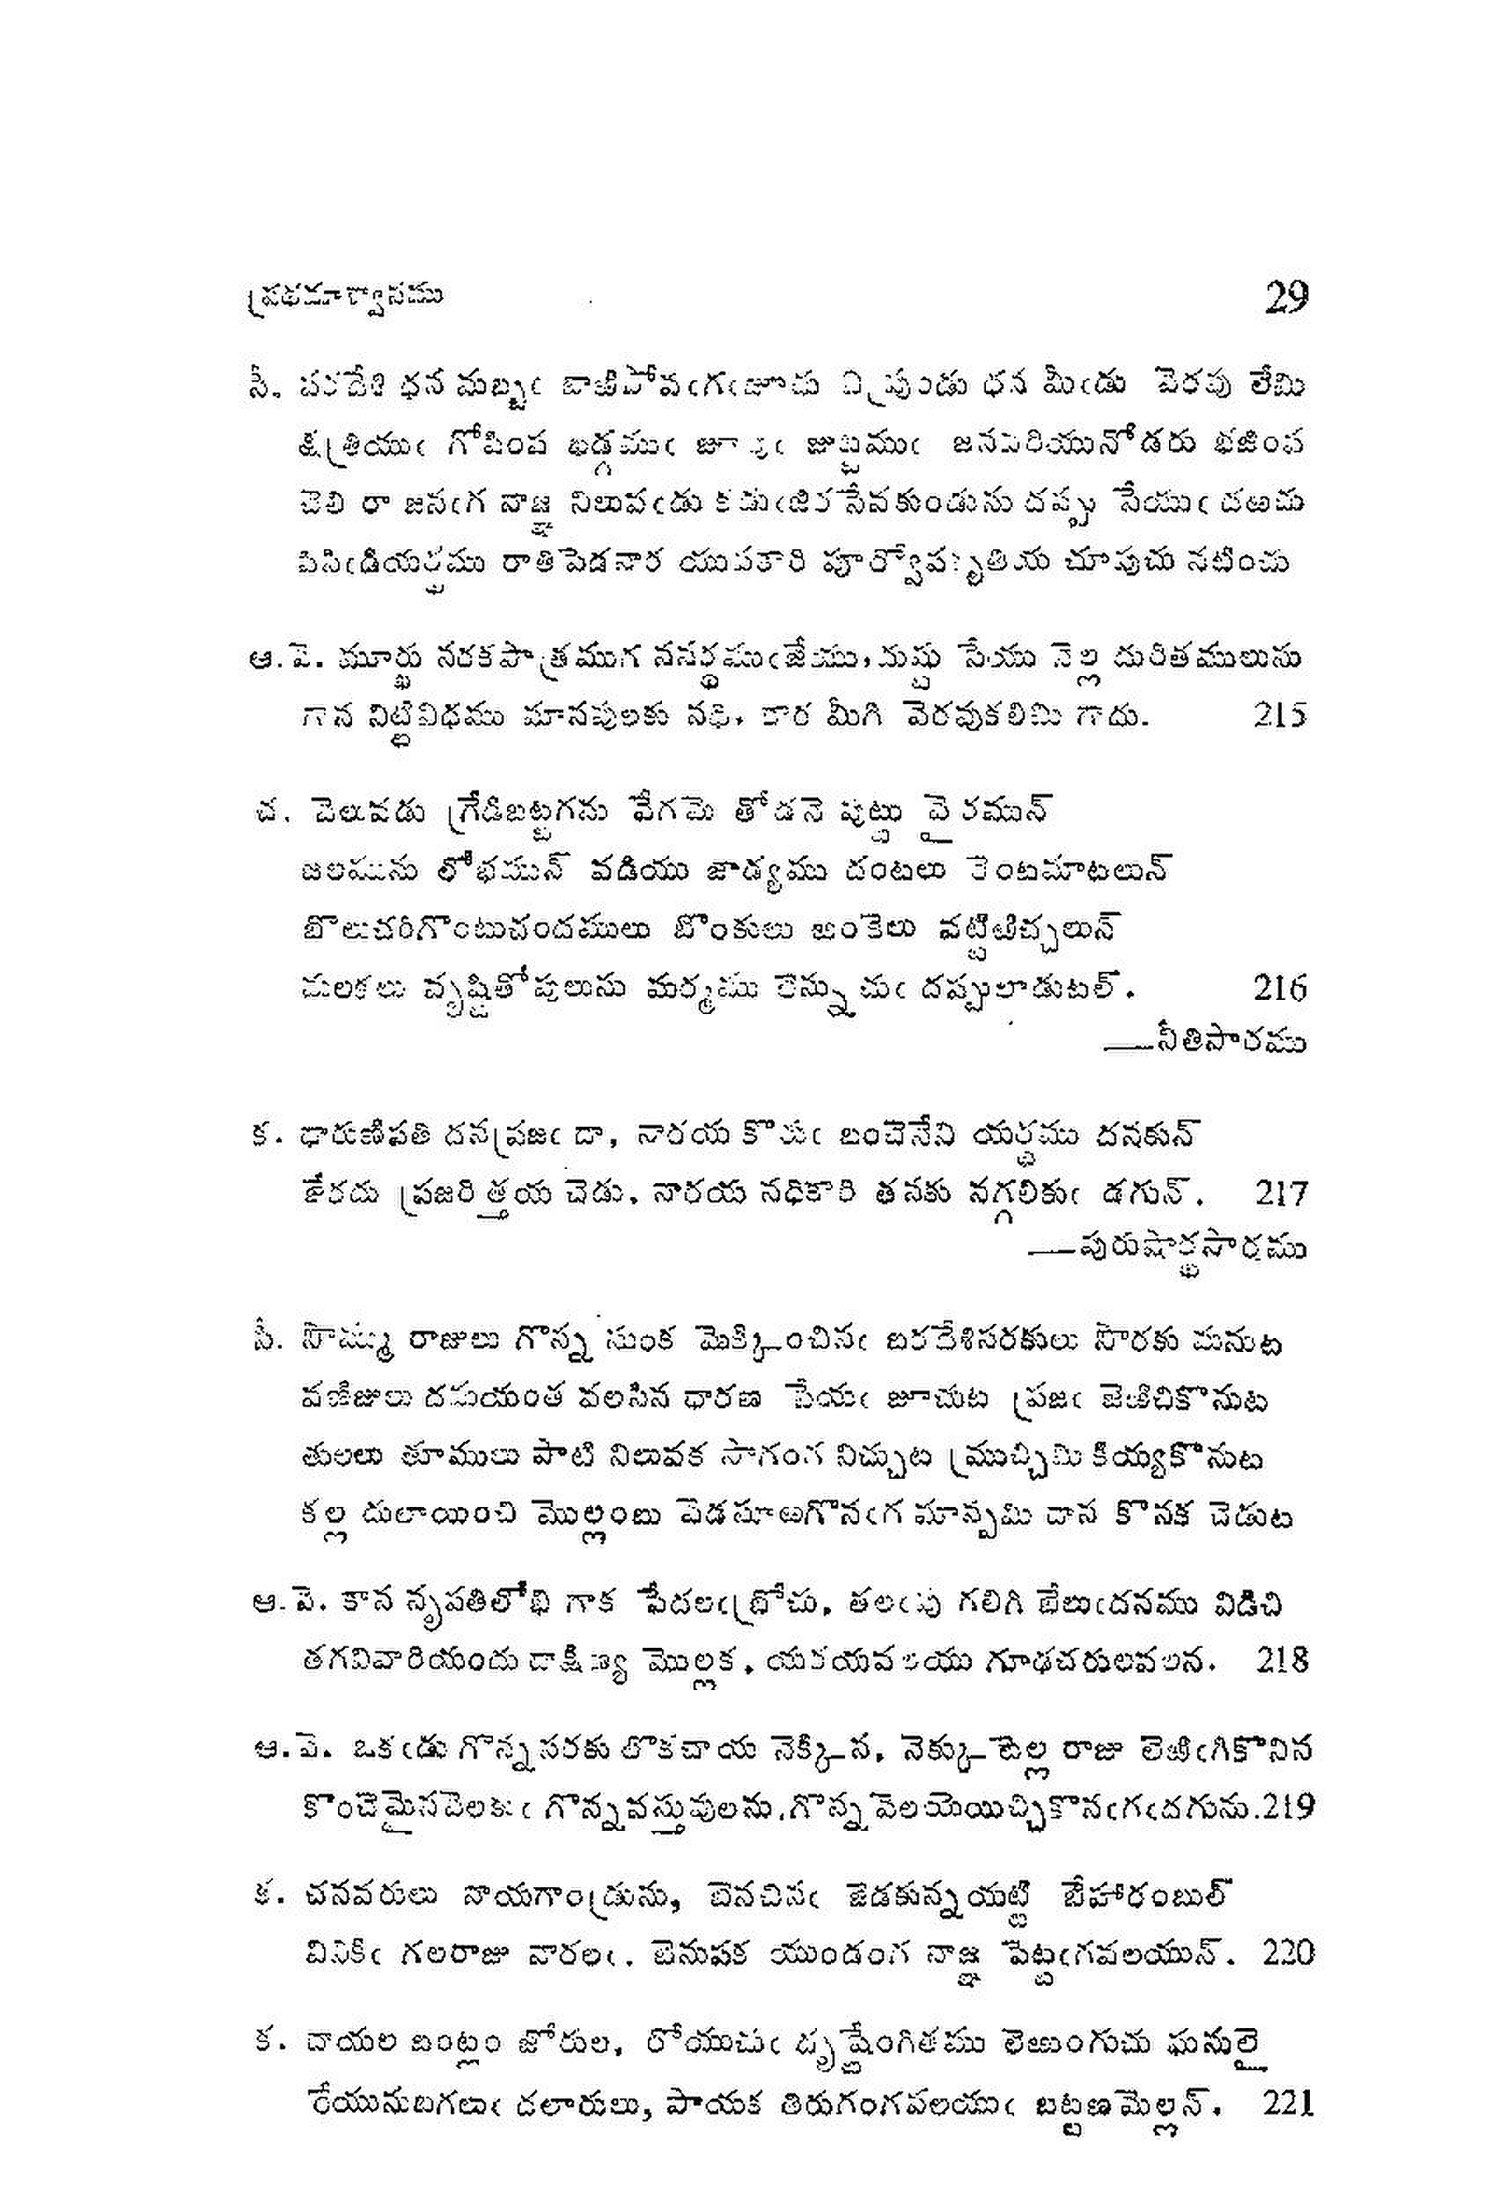సీ. పరదేశి ధన మబ్బఁ బాఱిపోవఁగఁజూచు
విప్రుండు ధన మీఁడు వెరవు లేమి
క్షత్రియుఁ గోపింప ఖడ్గముఁ జూపుఁ జు
ట్టముఁ జనవరియునోడరు భజింప
చెలి రా జనఁగ నాజ్ఞ నిలువఁడు కడుఁజిర
సేవకుండును దప్పు సేయుఁ దఱచు
పిసిఁడియర్థము రాతిపెడనార యుపకారి
పూర్వోపకృతియ చూపుచు నటించు
ఆ. మూర్ఖు నరకపాత్రముగ ననర్థముఁ జేయు
దుష్టు సేయు నెల్ల దురితములను
గాన నిట్టివిధము మానవులకు నధి
కార మీగి వెరవికలిమి గాదు. 215

చ. వెలువడు గ్రేడిబట్టగను వేగమె తోడనె పుట్టు వైరమున్
జలమును లోభమున్ వడియు జాడ్యము దంటలు రెంటమాటలున్
బొలుచరిగొంటుచందములు బొంకులు ఱంకెలు వట్టిఱిచ్చలున్
మలకలు వృష్టితోపులును మర్మము లెన్నుచుఁ దప్పులాడుటల్. 216

క. ధారుణిపతి దనప్రజఁ దా
నారయ కొరుఁ బంచెనేని యర్థము దనకున్
జేరదు ప్రజరిత్తయ చెడు
నారయ నధికారి తనకు నగ్గలికుఁ డగున్. 217

సీ. సొమ్ము రాజులు గొన్న సుంక మెక్కించినఁ
బరదేశిసరకులు సొరకు మనుట
వణిజులు దమయంత వలసిన ధారణ
సేయఁ జూచుట ప్రజఁ జెఱిచికొనుట
తులలు తూములు పాటి నిలువక సాగంగ
నిచ్చుట మ్రుచ్చిమి కియ్యకొనుట
కల్ల దులాయించి మొల్లంబు వెడసూఱ
గొనఁగ మాన్పమి దాన కొనక చెడుట
ఆ. కాన నృపతిలోభి గాక పేదలఁబ్రోదు
తలఁపు గలిగి బేలుఁదనము విడిచి
తగనివారియందు దాక్షిణ్య మొల్లక
యరయవలయు గూఢచరులవలన.218

ఆ. ఒకఁడు గొన్న సరుకు లొకచాయ నెక్కిన
నెక్కుటెల్ల రాజు లెఱిఁగికొనిన
కొంచెమైనవెలకుఁ గొన్నవస్తువులను
గొన్నవెలయె యిచ్చి కొనఁగఁదగును. 219

క. చనవరులు నాయగాండ్రును
బెనచినఁ జెడకున్నయట్టి బేహారంబుల్
వినికిఁ గలరాజు వారలఁ
బెనుపక యుండంగ నాజ్ఞ పెట్టఁగవలయున్. 220

క. చాయల బంట్లం జోరుల
రోయుచుఁ దృష్టేంగితము లెఱుంగుచు ఘనులై
రేయును బగలుఁ దలారులు
పాయక తిరుగంగవలయుఁ బట్టణమెల్లన్. 221